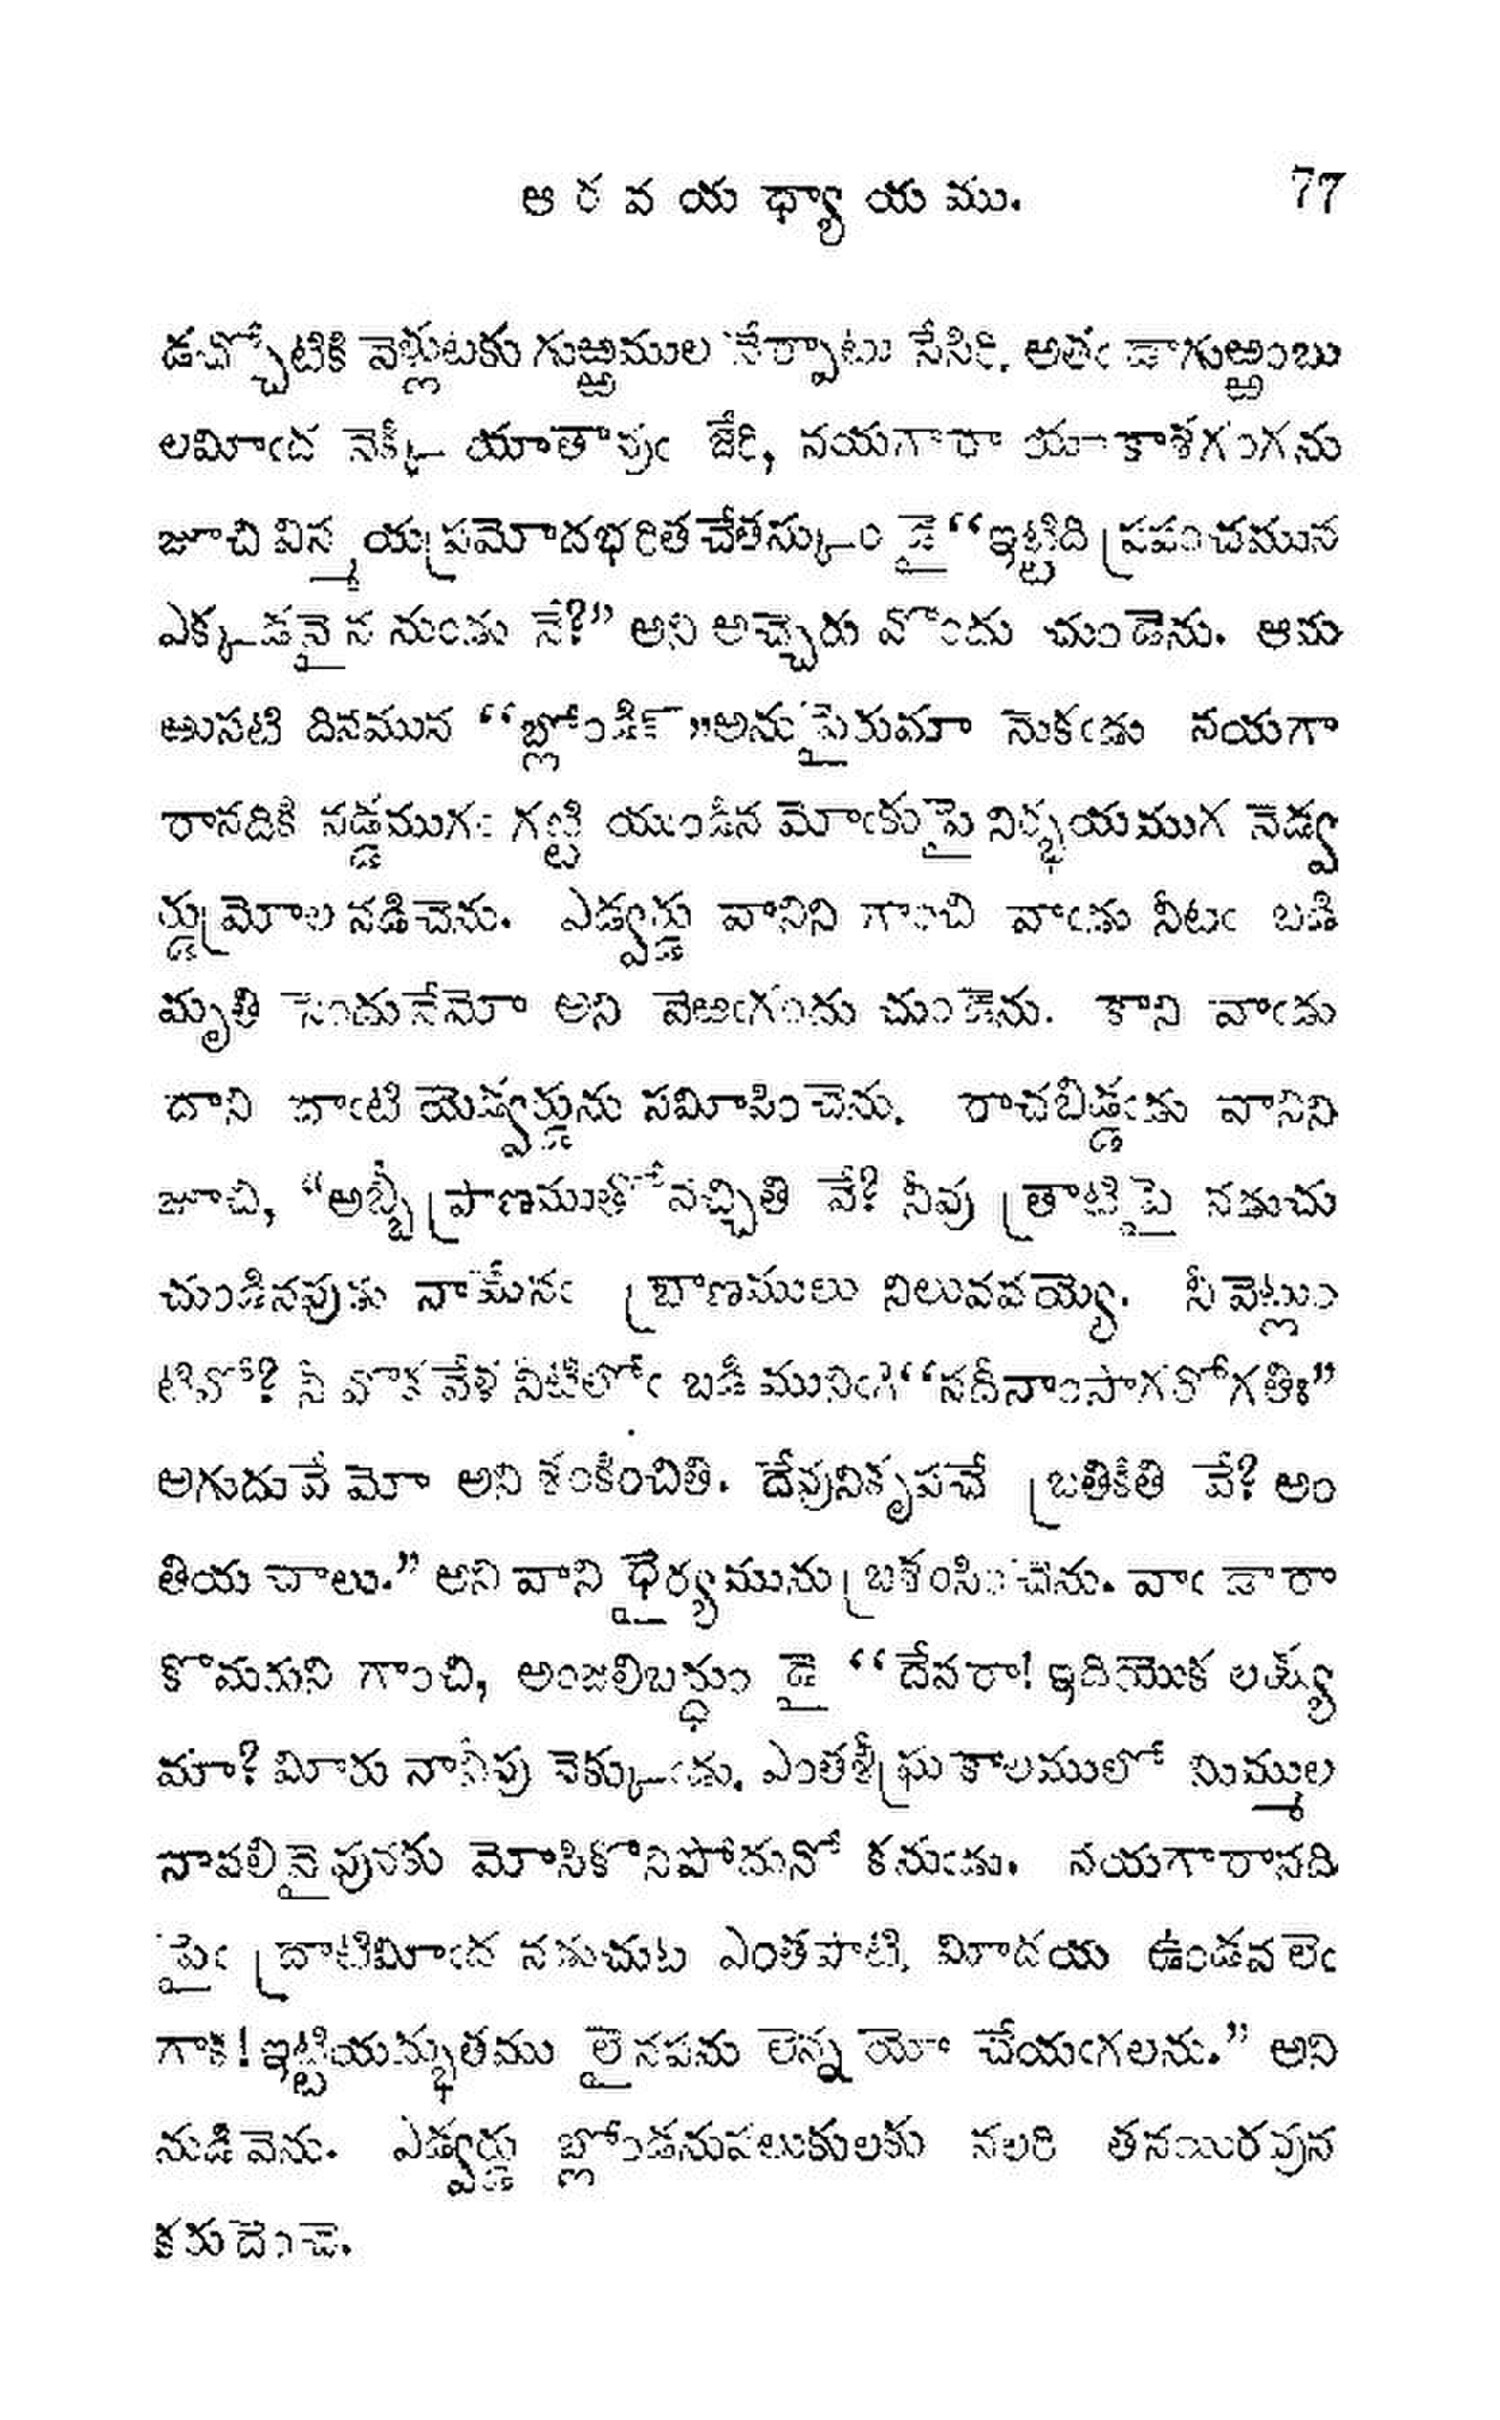డచ్చోటికి నెళ్లుటకు గుఱ్ఱముల నేర్పాటు సేసిరి. అతఁ డా గుఱ్ఱంబు
లమీఁద నెక్కి యాతావుం జేరి, నయగారా యాకాశ గంగను
జూచి విస్మయ ప్రమోదభరిత చేతస్కుం డై "ఇట్టిది ప్రపంచమున
ఎక్కడనైన నుండు నే?” అని అచ్చెరు వొందు చుండెను. ఆమ
సటి దినమున "బ్లోండిన్ " అను పైరుమా నొకఁడు నయగా
రా నదికి నడ్డముగ గట్టి యుండిన మోకు పై నిర్భయముగ నెడ్వ
ర్డు మ్రోల నడిచెను. ఎడ్వర్డ్లు వానిని గాంచి వాడు నీటఁ బడి
మృతి సెందునేమో అని వెరగందు చుండెను. కాని వాడు
దాని దాటి యెడ్వర్డును సమీపించెను. రాచబిడ్డ కు వానిని
జూచి, “అబ్బీ ప్రాణముతో వచ్చితి వే? నీవు త్రాటి పై నడుచు
చునపుడు నా మేనఁ బ్రాణములు నిలువవయ్యె, నీవెట్లుం
టివో? నీ వొక వేళ నిటీలో బడి మునిగి నదీనాం సాగరోగతి?"
అగుదువేమో అని శంకించితి. దేవుని కృపచే బ్రతికితివే? అం
తియ చాలు.” అని వాని ధైర్యమును బ్రశంసించెను. వాడా రా
కోమురుని గాంచి, అంజలిబద్దుడై “దేవ రా! ఇది యొక లక్ష్య
మా? మీరు నాని వీపు నెక్కుడు, ఎంత శీఘ్ర కాలములో మిమ్ముల
నావలివైపునకు మోసికొనిపోదునో కనుడు. నయగారా నది
పైఁ ద్రాటిమీద నడుచుట ఎంత పాటి, మీదయ ఉండవ లెం
గాక! ఇట్టియద్భుతము లైన పను లెన్న యో చేయఁగలను.” అని
నుడివెను. ఎడ్వర్డు బ్లోండను పలుకులకు నలరి తన యిరవున
కరుదెంచె.